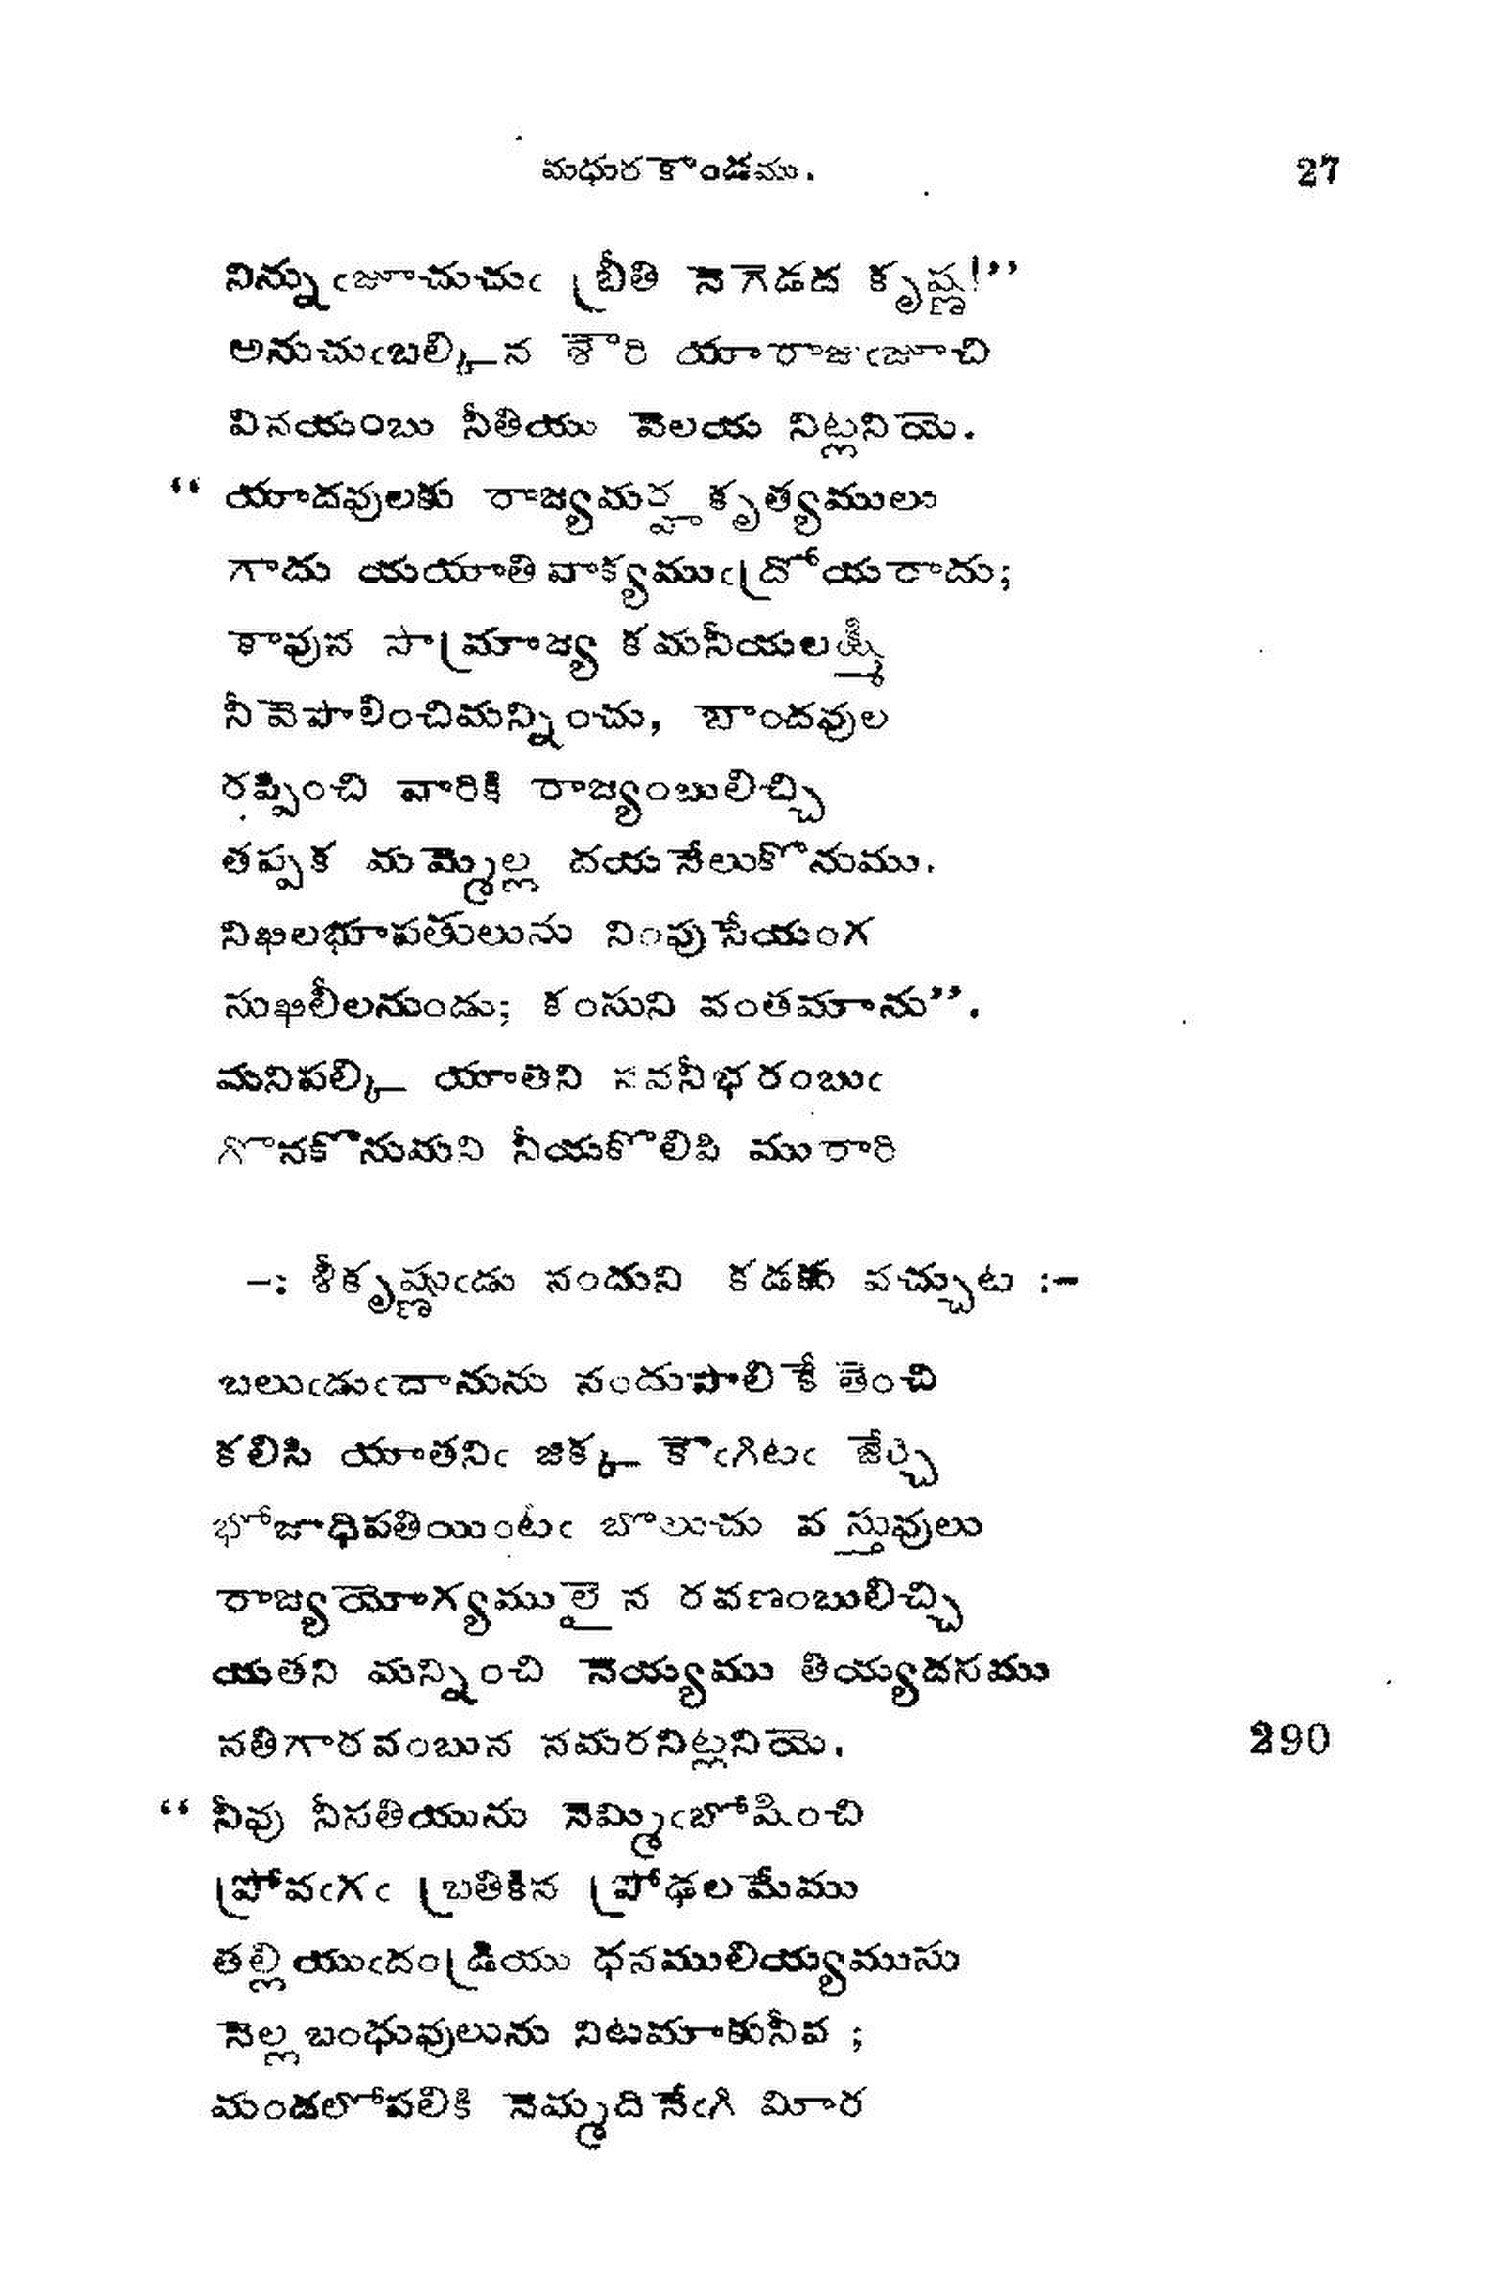నిన్నుఁ జూచుచుఁ బ్రీతి నెగెడద కృష్ణ!"
అనుచుఁ బల్కిన శౌరి యారాజుఁ జూచి
వినయంబు నీతియు వెలయ నిట్లనియె.
“యాదవులకు రాజ్యమర్హకృత్యములు
గాదు యయాతివాక్యముఁద్రోయరాదు;
కావున సామ్రాజ్య కమనీయలక్ష్మి
నీవె పాలించి మన్నించు, బాంధవుల
రప్పించి వారికి రాజ్యంబు లిచ్చి
తప్పక మమ్మెల్ల దయ నేలుకొనుము.
నిఖిలభూపతులును నింపు సేయంగ
సుఖలీలనుండు; కంసుని వంతమాను”.
మనిపల్కి యాతని నవనీభరంబుఁ
గొనకొనుమని నీయకొలిపి మురారి

బలుఁడుఁ దానును నందుపాలి కేతెంచి
కలిసి యాతనిఁ జిక్కకౌఁగిటఁ జేల్చ
భోజాధిపతియింటఁ బొలుచు వస్తువులు
రాజ్యయోగ్యములైన రవణంబు లిచ్చి
యతని మన్నించి నెయ్యము తియ్యదనము
నతిగారవంబున నమర నిట్లనియె.
“నీవు నీసతియును నెమ్మిఁబోషించి
ప్రోవఁగఁ బ్రతికిన ప్రోఢల మేము
తల్లియుఁ దండ్రియు ధనము లియ్యమును
నెల్లబంధువులును నిట మాకు నీవ;
మందలోపలికి నెమ్మది నేఁగి మీర